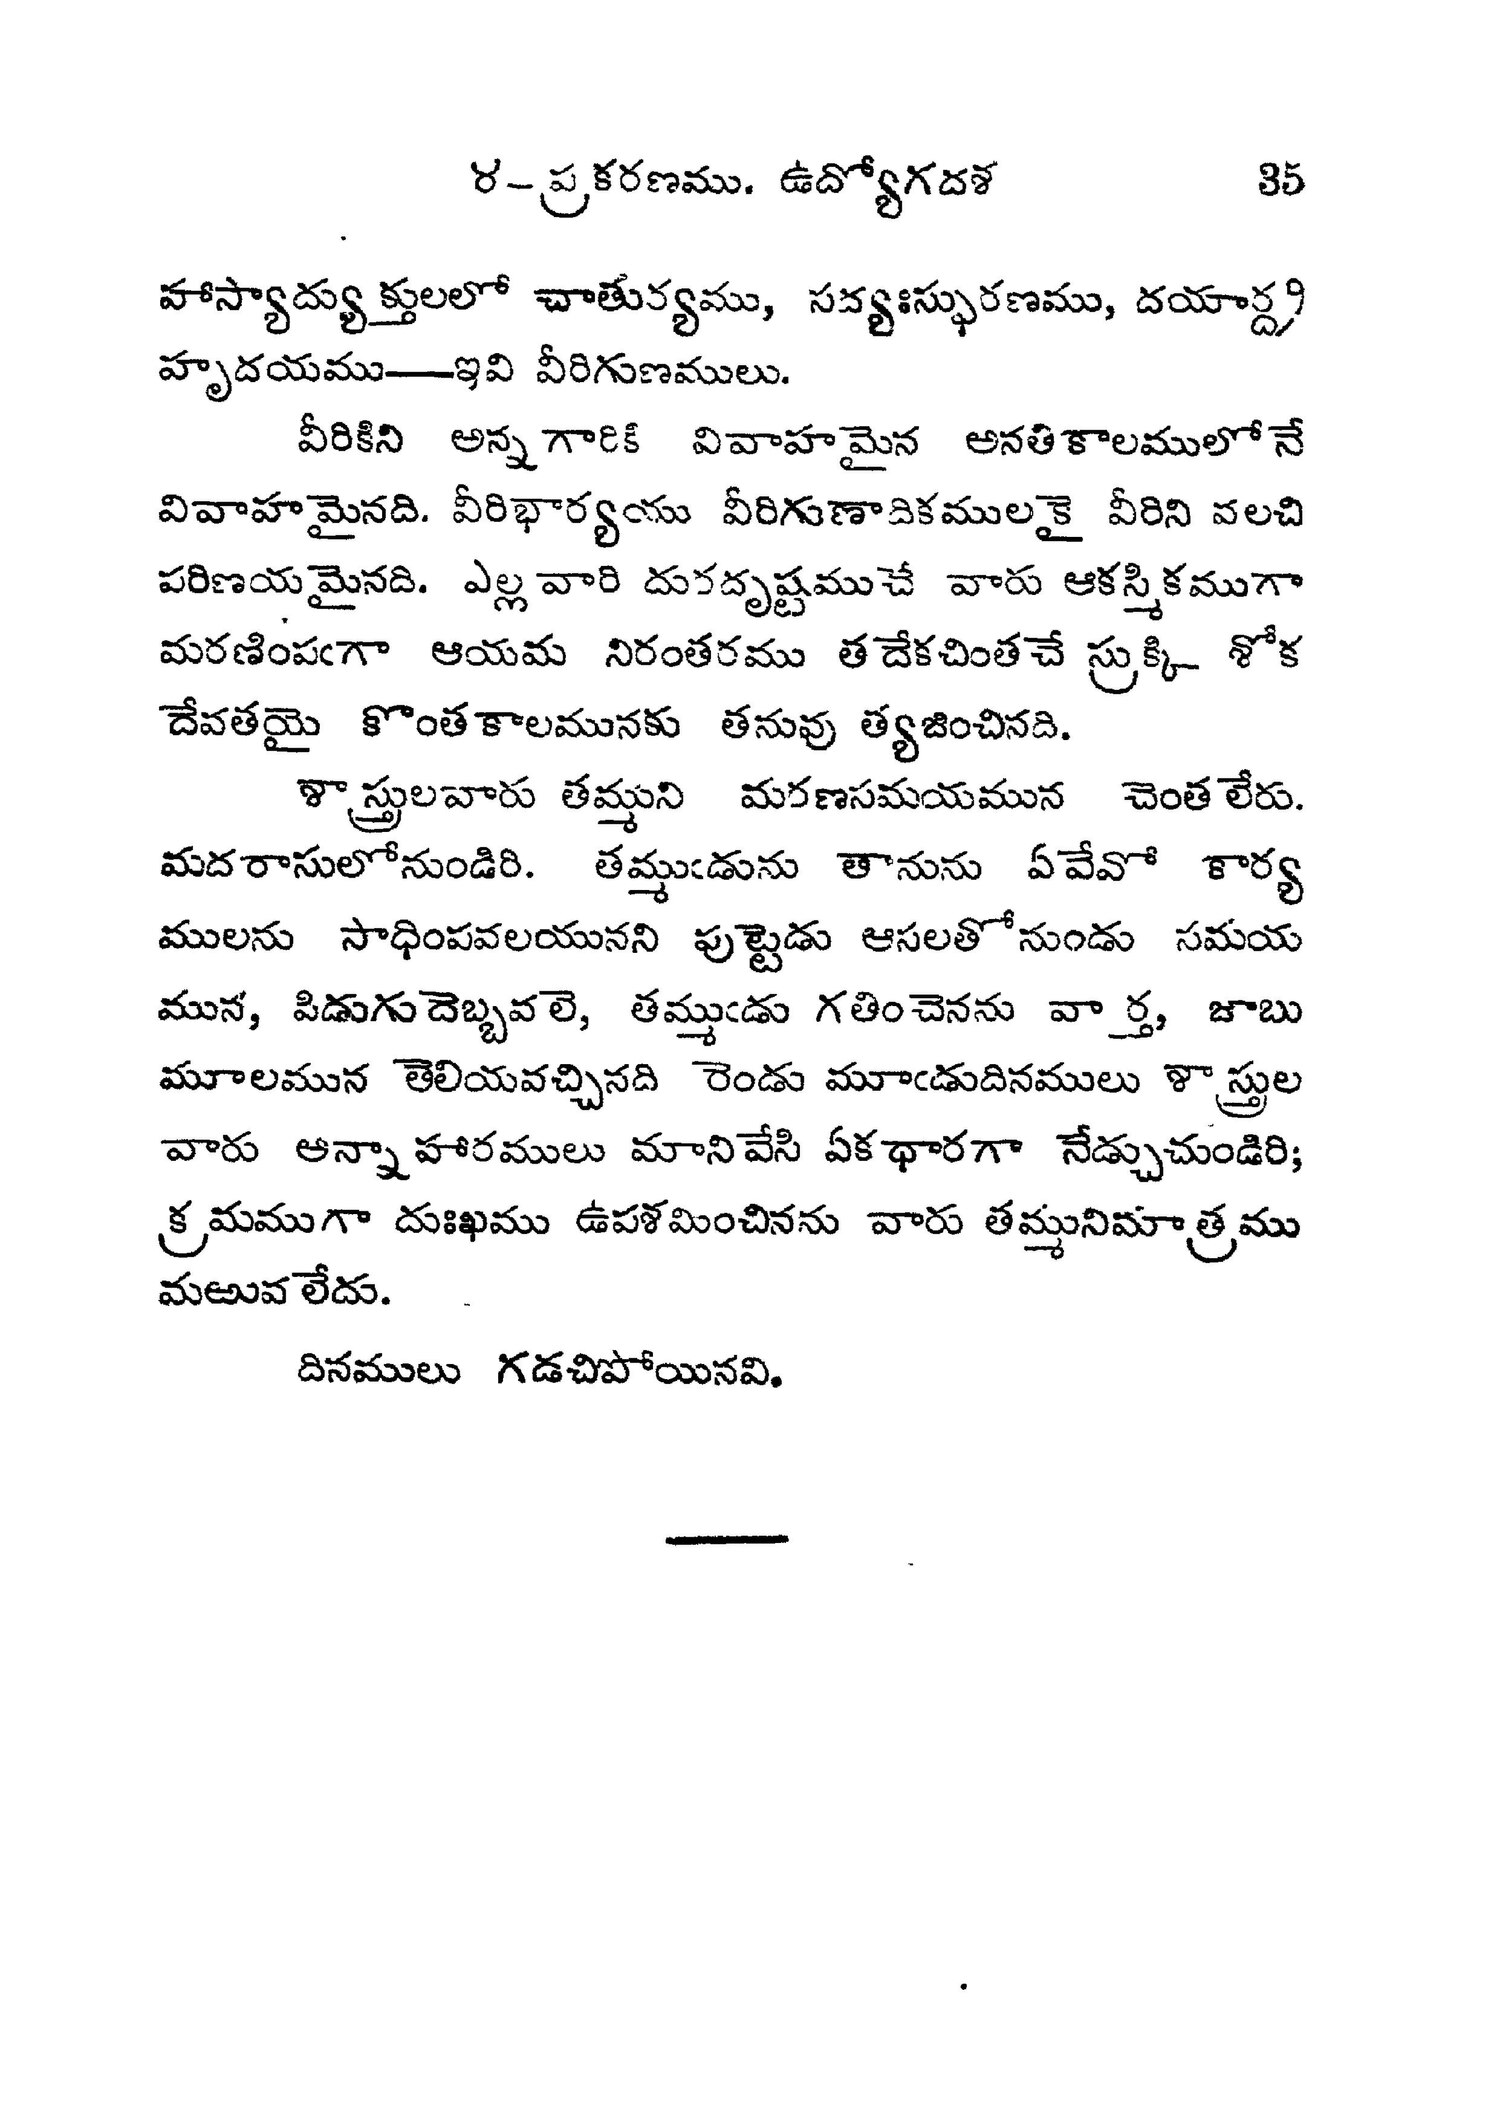హాస్యాద్యుక్తులలో చాతుర్యము, సద్య:స్ఫురణము, దయార్ద్రహృదయము - ఇవి వీరిగుణములు.

వీరికిని అన్నగారికి వివాహమైన అనతికాలములోనే వివాహమైనది. వీరిభార్యయు వీరిగుణాదికములకై వీరిని వలచి పరిణయమైనది. ఎల్లవారి దురదృష్టముచే వారు ఆకస్మికముగా మరణింపగా ఆయమ నిరంతరము తదేకచింతచే స్రుక్కి శోకదేవతయై కొంతకాలమునకు తనువు త్యజించినది.

శాస్త్రులవారు తమ్ముని మరణసమయమున చెంతలేరు. మదరాసులోనుండిరి. తమ్ముడును తానును ఏవేవో కార్యములను సాధింపవలయునని పుట్టెడు ఆసలతోనుండు సమయమున, పిడుగుదెబ్బవలె, తమ్ముడు గతించెనను వార్త, జాబు మూలమున తెలియవచ్చినది రెండు మూడుదినములు శాస్త్రులవారు అన్నాహారములు మానివేసి ఏకథారగా నేడ్చుచుండిరి; క్రమముగా దు:ఖము ఉపశమించినను వారు తమ్మునిమాత్రము మఱువలేదు.

దినములు గడచిపోయినవి.

_________